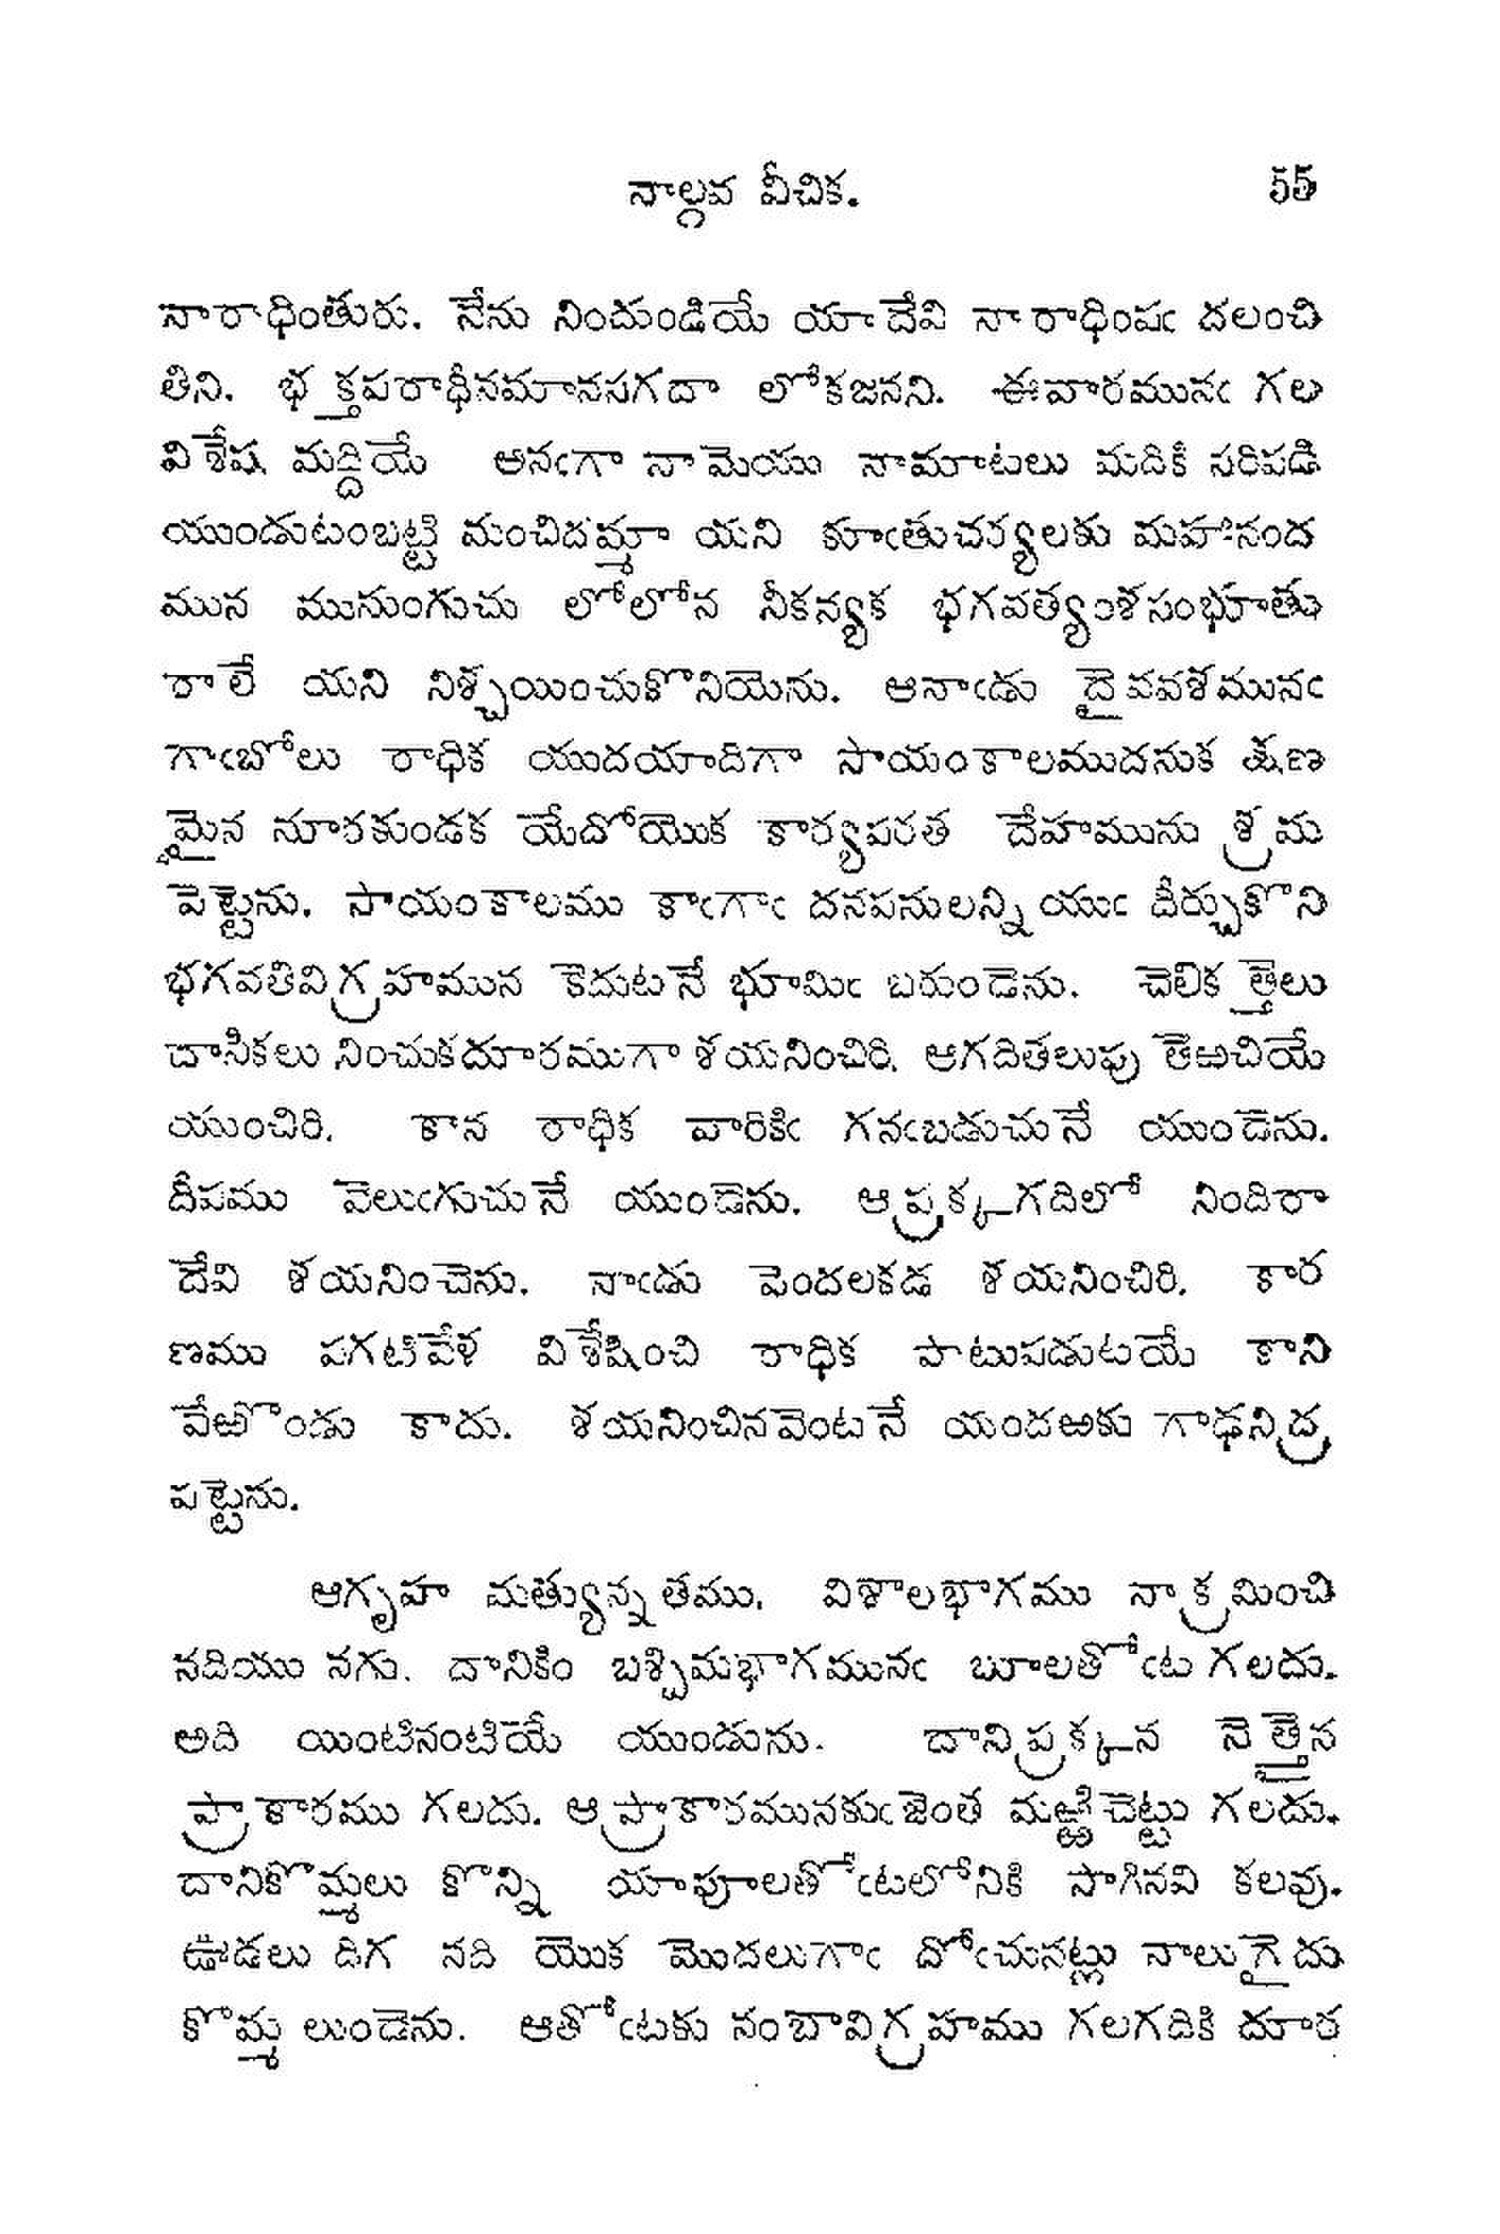నారాధింతురు. నేను నిందుండియే యాదేవి నారాధింపఁ దలంచితిని. భక్తపరాధీనమానసగదా లోకజనని. ఈ వారమునఁ గల విశేష, మద్దియే అనఁగా నామెయు నామాటలు మదికి సరిపడి యుండుటంబట్టి మంచిదమ్మా యని కూఁతుచర్యలకు మహానంద మున మునుంగుచు లోలోన నీకన్యక భగవత్యంశ సంభూతు రాలే యని నిశ్చయించుకొనియెను. ఆనాఁడు దైవవశమునఁ గాఁబోలు రాధిక యుదయాదిగా సాయంకాలముదనుక క్షణమైన నూరకుండక యేదోయొక కార్యపరత దేహమును శ్రమపెట్టెను. సాయంకాలము కాఁగాఁ దనపనులన్నియుఁ దీర్చుకొని భగవతి విగ్రహమున కెదుటనే భూమిఁ బరుండెను. చెలికత్తెలు దా సికలు నించుకదూరముగా శయనించిరి. ఆగదితలుపు తెఱచియే యుంచిరి. కాన రాధిక వారికిఁ గనఁబడుచునే యుండెను. దీపము వెలుఁగుచునే యుండెను. ఆ పక్క గదిలో నిందిరా దేవి శయనించెను. నాడు పెందలకడ శయనించిరి. కారణము పగటి వేళ విశేషించి రాధిక పాటుపడుటయే కాని "వేఱోండు కాదు. శయనించిన వెంటనే యందఱకు గాఢనిద్ర పట్టెను.

ఆగృహ మత్యున్నతము. విశాలభాగము నాక్రమించి నదియు నగు. దానికిం బశ్చిమభాగమునఁ బూలతోఁట గలదు. అది యింటినంటియే యుండును. దాని ప్రక్కన నెత్తైన ప్రాకారము గలదు. ఆ ప్రాకారమునకుఁ జెంత మఱ్ఱి చెట్టు గలదు. దానికొమ్మలు కొన్ని యాపూలతోటలోనికి సాగినవి కలవు. ఊడలు దిగ నది యొక మొదలుగాఁ దోఁచునట్లు నాలుగైదు కొమ్మలుండెను. ఆతోఁటకు నంబానిగ్రహము గలగదికి దూర